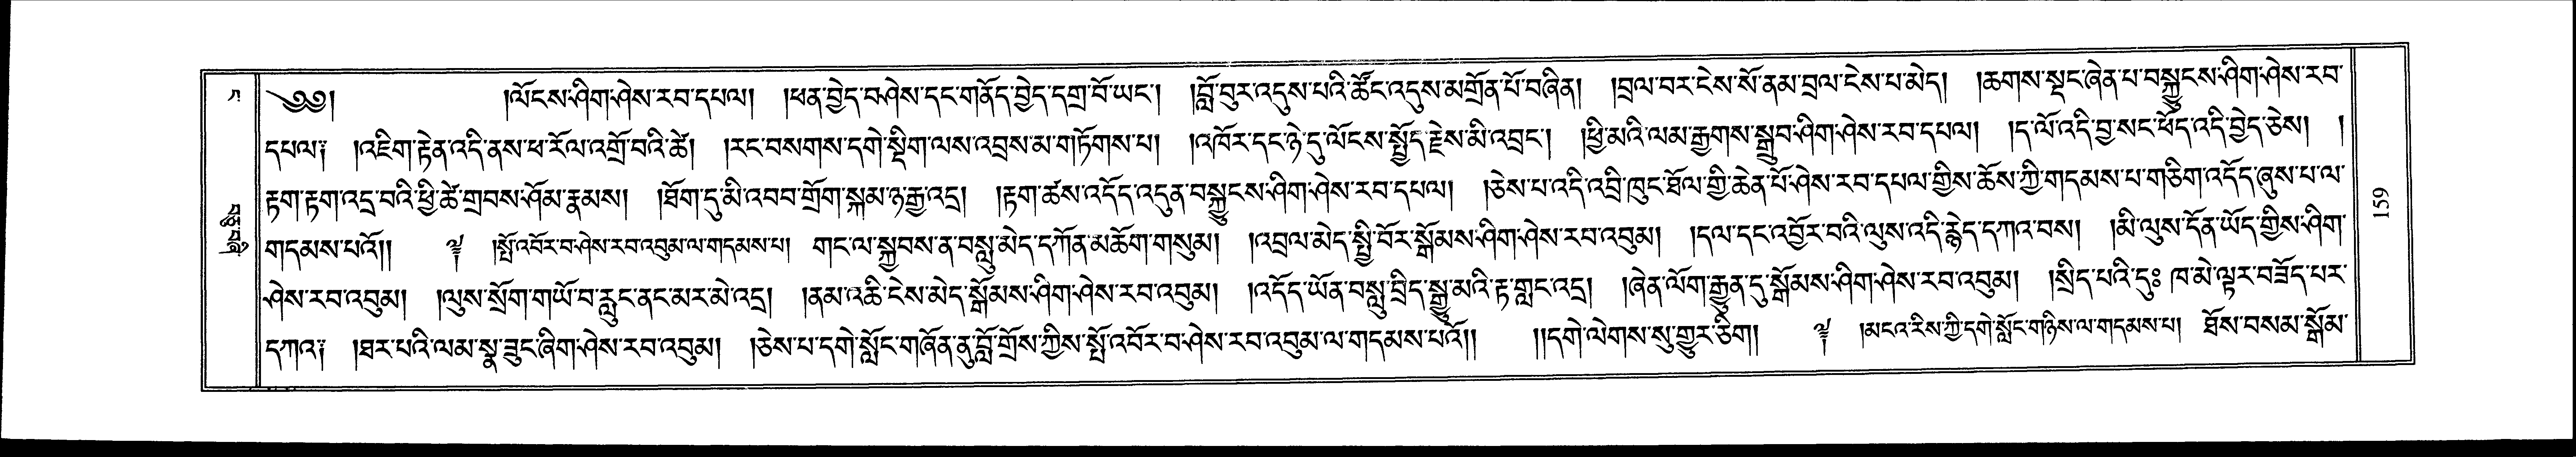༄༅། །ལོངས་ཤིག་ཤེས་རབ་དཔལ། །ཕན་བྱེད་བཤེས་དང་གནོད་བྱེད་དགྲ་བོ་ཡང་། །བློ་བུར་འདུས་པའི་ཚོང་འདུས་མགྲོན་པོ་བཞིན། །བྲལ་བར་ངེས་སོ་ནམ་བྲལ་ངེས་པ་མེད། །ཆགས་སྡང་ཞེན་པ་བསྐྱུངས་ཤིག་ཤེས་རབ་
དཔལ། །འཇིག་རྟེན་འདི་ནས་ཕ་རོལ་འགྲོ་བའི་ཚེ། །རང་བསགས་དགེ་སྡིག་ལས་འབྲས་མ་གཏོགས་པ། །འཁོར་དང་ཉེ་དུ་ལོངས་སྤྱོད་རྗེས་མི་འབྲང་། །ཕྱི་མའི་ལམ་རྒྱགས་སྒྲུབ་ཤིག་ཤེས་རབ་དཔལ། །ད་ལོ་འདི་བྱ་སང་ཕོད་འདི་བྱེད་ཅེས། །
རྟག་རྟག་འདྲ་བའི་ཕྱི་ཚེ་གྲབས་ཤོམ་རྣམས། །ཐོག་དུ་མི་འབབ་གྲོག་སྐམ་ཉ་རྒྱ་འདྲ། །རྟག་ཚས་འདོད་འདུན་བསྐྱུངས་ཤིག་ཤེས་རབ་དཔལ། །ཅེས་པ་འདི་འབྲི་ཁུང་ཐོལ་གྱི་ཆེན་པོ་ཤེས་རབ་དཔལ་གྱིས་ཆོས་ཀྱི་གདམས་པ་གཅིག་འདོད་ཞུས་པ་ལ་
གདམས་པའོ།། ༈ །སྤོ་འབོར་བ་ཤེས་རབ་འབུམ་ལ་གདམས་པ། གང་ལ་སྐྱབས་ན་བསླུ་མེད་དཀོན་མཆོག་གསུམ། །འབྲལ་མེད་སྤྱི་བོར་སྒོམས་ཤིག་ཤེས་རབ་འབུམ། །དལ་དང་འབྱོར་བའི་ལུས་འདི་རྙེད་དཀའ་བས། །མི་ལུས་དོན་ཡོད་ཀྱིས་ཤིག་
ཤེས་རབ་འབུམ། །ལུས་སྲོག་གཡོ་བ་རླུང་ནང་མར་མེ་འདྲ། །ནམ་འཆི་ངེས་མེད་སྒོམས་ཤིག་ཤེས་རབ་འབུམ། །འདོད་ཡོན་བསླུ་བྲིད་སྒྱུ་མའི་རྟ་གླང་འདྲ། །ཞེན་ལོག་རྒྱུན་དུ་སྒོམས་ཤིག་ཤེས་རབ་འབུམ། །སྲིད་པའི་དུཿ ཁ་མེ་ལྟར་བཟོད་པར་
དཀའ། །ཐར་པའི་ལམ་སྣ་ཟུང་ཞིག་ཤེས་རབ་འབུམ། །ཅེས་པ་དགེ་སློང་གཞོན་ནུ་བློ་གྲོས་ཀྱིས་སྤོ་འབོར་བ་ཤེས་རབ་འབུམ་ལ་གདམས་པའོ།། །།དགེ་ལེགས་སུ་གྱུར་ཅིག། ༈ །མངའ་རིས་ཀྱི་དགེ་སློང་གཉིས་ལ་གདམས་པ། ཐོས་བསམ་སྒོམ་